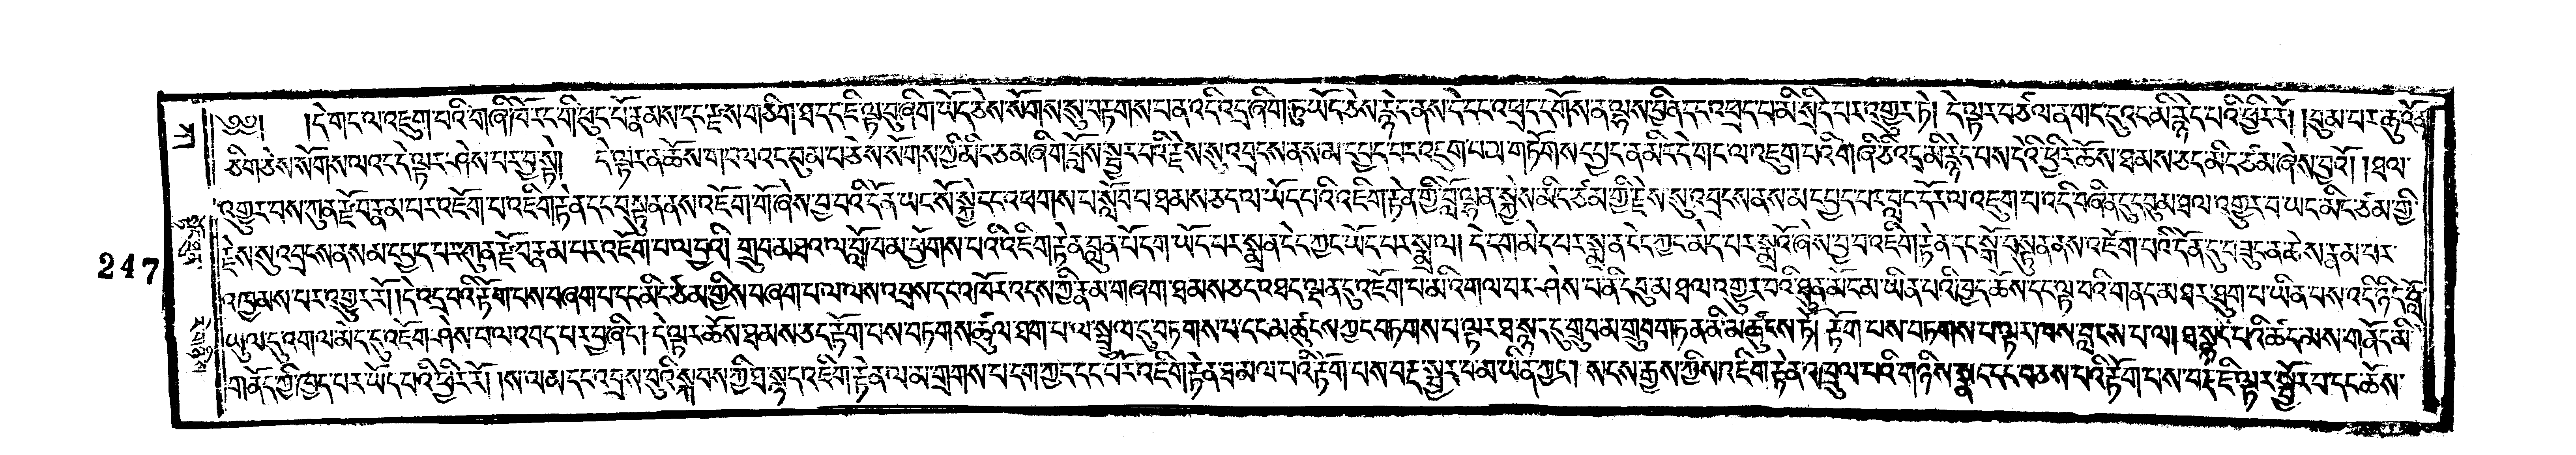༄༅། །དེ་གང་ལ་འཇུག་པའི་གཞི་ཁོ་རང་གི་ཕུང་པོ་རྣམས་དང་རྫས་གཅིག་ཐ་དད་ཇི་ལྟ་བུ་ཞིག་ཡོད་ཅེས་སོགས་སུ་བརྟགས་པ་ན་འདི་འདྲ་ཞིག་ཏུ་ཡོད་ཅེས་རྙེད་ནས་དེ་དང་འཕྲད་དགོས་ན་ལྷས་བྱིན་དང་འཕྲད་པ་མི་སྲིད་པར་འགྱུར་ཏེ། དེ་ལྟར་བཙལ་ན་གང་དུའང་མི་རྙེད་པའི་ཕྱིར་རོ། །བུམ་པར་ཆུ་འོན་
ཅིག་ཅེས་སོགས་ལའང་དེ་ལྟར་ཤེས་པར་བྱ་སྟེ། དེ་ལྟར་ན་ཆོས་གང་ལའང་བུམ་པ་ཅེས་སོགས་ཀྱི་མིང་ཅམ་ཞིག་བློས་སྦྱར་བའི་རྗེས་སུ་འབྲངས་ནས་མ་དཔྱད་པར་འཇུག་པ་མ་གཏོགས་དཔྱད་ན་མིང་དེ་གང་ལ་འཇུག་པའི་གཞི་ཅིའང་མི་རྙེད་པས་དེའི་ཕྱིར་ཆོས་ཐམས་ཅད་མིང་ཙམ་ཞེས་བྱའོ། །ཐལ་
འགྱུར་བས་ཀུན་རྫོབ་རྣམ་པར་འཇོག་པ་འཇིག་རྟེན་དང་བསྟུན་ནས་འཇོག་གོ་ཞེས་བྱ་བའི་དོན་ཡང་སོ་སྐྱེ་དང་འཕགས་པ་སློབ་པ་ཐམས་ཅད་ལ་ཡོད་པའི་འཇིག་རྟེན་གྱི་བློ་ལྷན་སྐྱེས་མིང་ཙམ་གྱི་རྗེས་སུ་འབྲངས་ནས་མ་དཔྱད་པར་བླང་དོར་ལ་འཇུག་པ་འདི་བཞིན་དུ་དབུམ་ཐལ་འགྱུར་བ་ཡང་མིང་ཙམ་གྱི་
རྗེས་སུ་འབྲངས་ནས་མ་དཔྱད་པར་ཀུན་རྫོབ་རྣམ་པར་འཇོག་པ་ལ་བྱའི། གྲུབ་མཐའ་ལ་བློ་ཁམ་ཕྱོགས་པའི་འཇིག་རྟེན་བླུན་པོ་དག་ཡོད་པར་སྨྲ་ན་ངེད་ཀྱང་ཡོད་པར་སྨྲ་ལ། དེ་དག་མེད་པར་སྨྲ་ན་ངེད་ཀྱང་མེད་པར་སྨྲའོ་ཞེས་བྱ་བ་འཇིག་རྟེན་དང་སྒོ་བསྟུན་ནས་འཇོག་པའི་དོན་དུ་བཟུང་ན་ཆེས་རྣམ་པར་
འཁྱམས་པར་འགྱུར་རོ། །དེ་འདྲ་བའི་རྟོག་པས་བཞག་པ་དང་མིང་ཙམ་གྱིས་བཞག་པ་ལ་ལས་འབྲས་དང་འཁོར་འདས་ཀྱི་རྣམ་གཞག་ཐམས་ཅད་འཐད་ལྡན་དུ་འཇོག་པ་མི་འགལ་བར་ཤེས་པ་ནི་དབུ་མ་ཐལ་འགྱུར་བའི་ཐུན་མོང་མ་ཡིན་པའི་ཁྱད་ཆོས་དང་ལྟ་བའི་གནད་མཐར་ཐུག་པ་ཡིན་པས་འདི་ཉིད་བློ་
ཡུལ་དུ་འགལ་མེད་དུ་འཇོག་ཤེས་པ་ལ་འབད་པར་བྱ་ཞིང་། དེ་ལྟར་ཆོས་ཐམས་ཅད་རྟོག་པས་བཏགས་ཚུལ་ཐག་པ་ལ་སྤྲུལ་དུ་བཏགས་བ་དང་མཚུངས་ཀྱང་བཏགས་པ་ལྟར་ཐ་སྙད་དུ་གྲུབ་མ་གྲུབ་གཏན་མི་མཚུངས་ཏེ། རྟོག་པས་བཏགས་པ་ལྟར་ཁས་བླངས་པ་ལ། ཐ་སྙད་པའི་ཚད་མས་གནོད་མི་
གནོད་ཀྱི་ཁྱད་པར་ཡོད་པའི་ཕྱིར་རོ། །ས་ལམ་དང་འབྲས་བུའི་སྐབས་ཀྱི་ཐ་སྙད་འཇིག་རྟེན་ལ་མ་གྲགས་པ་དག་ཀྱང་དང་པོར་འཇིག་རྟེན་ཐ་མལ་པའི་རྟོག་པས་བརྡ་སྦྱར་བ་མ་ཡིན་ཀྱང་། སངས་རྒྱས་ཀྱིས་འཇིག་རྟེན་འཁྲུལ་པའི་གཉིས་སྣང་དང་བཅས་པའི་རྟོག་པས་བརྡ་ཇི་ལྟར་སྦྱོར་བ་དང་ཆོས་